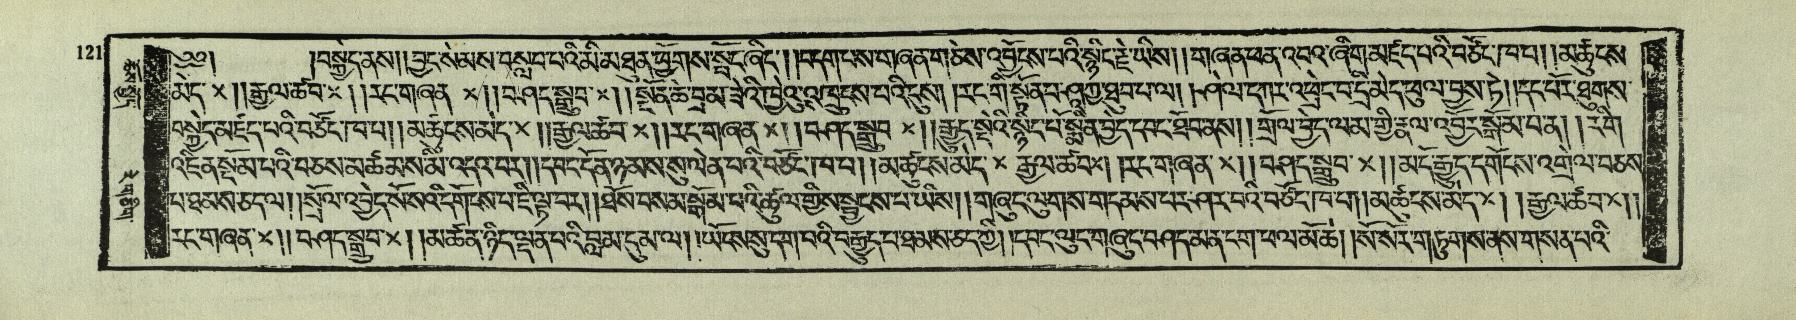༄༅། །བསྐྱེད་ནས། །བྱང་སེམས་བསླབ་པའི་མི་མཐུན་ཕྱོགས་སྤོང་ཞིང་། །བདག་པས་གཞན་གཅེས་འབྱོངས་པའི་སྙིང་རྗེ་ཡིས། །གཞན་ཕན་འབའ་ཞིག་མཛད་པའི་བཙོང་ཁ་པ། །མཚུངས་
མེད་྾་། །རྒྱལ་ཚབ་྾་། །རང་གཞན་྾་། །བཤད་སྒྲུབ་྾་། །སྔོན་ཆེ་བྲམ་ཟེའི་ཁྱེའུ་འཁྲུངས་པའི་དུས། །རང་གི་སྟོན་པ་ཤཱཀྱ་ཐུབ་པ་ལ། །ཤེལ་དཀར་འཕྲེང་བ་དྲི་མེད་ཕུལ་བྱས་ཏེ། །དང་པོར་ཐུགས་
བསྐྱེད་མཛད་པའི་བཙོང་ཁ་པ། །མཚུངས་མེད་྾་། །རྒྱལ་ཚབ་྾་། །རང་གཞན་྾་། །བཤད་སྒྲུབ་྾་། །རྒྱུད་སྡེའི་སྙིང་པོ་སྨིན་བྱེད་དབང་ཐོབ་ནས། །གྲོལ་བྱེད་ལམ་གྱི་རྣལ་འབྱོར་སྒོམ་པ་ན། །རིག་
འཛིན་སྡོམ་པའི་བཅས་མཚམས་མི་འདའ་བར། །དབང་དོན་ཉམས་སུ་ལེན་པའི་བཙོང་ཁ་པ། །མཚུངས་མེད་྾་རྒྱལ་ཚབ་྾། །རང་གཞན་྾། །བཤད་སྒྲུབ་྾། །མདོ་རྒྱུད་དགོངས་འགྲེལ་བཅས་
པ་ཐམས་ཅད་ལ། །སྲོལ་འབྱེད་སོ་སའི་དགོངས་པ་ཇི་ལྟ་བར། །ཐོས་བསམ་སྒོམ་པའི་ཚུལ་གྱིས་སྦྱངས་པ་ཡིས། །གཞུང་ལུགས་གདམས་པར་ཤར་བའི་བཙོང་ཁ་པ། །མཚུངས་མེད་྾། །རྒྱལ་ཚབ་྾། །
རང་གཞན་྾། །བཤད་སྒྲུབ་྾། །མཚན་ཉིད་ལྡན་པའི་བླ་མ་དུ་མ་ལ། །ཡོངས་སུ་དག་པའི་བརྒྱུད་པ་ཐམས་ཅད་ཀྱི། །དབང་ལུང་གཞུང་བཤད་མན་ངག་ཕལ་མོ་ཆེ། །སོ་སོར་གཏུགས་ནས་གསན་པའི་